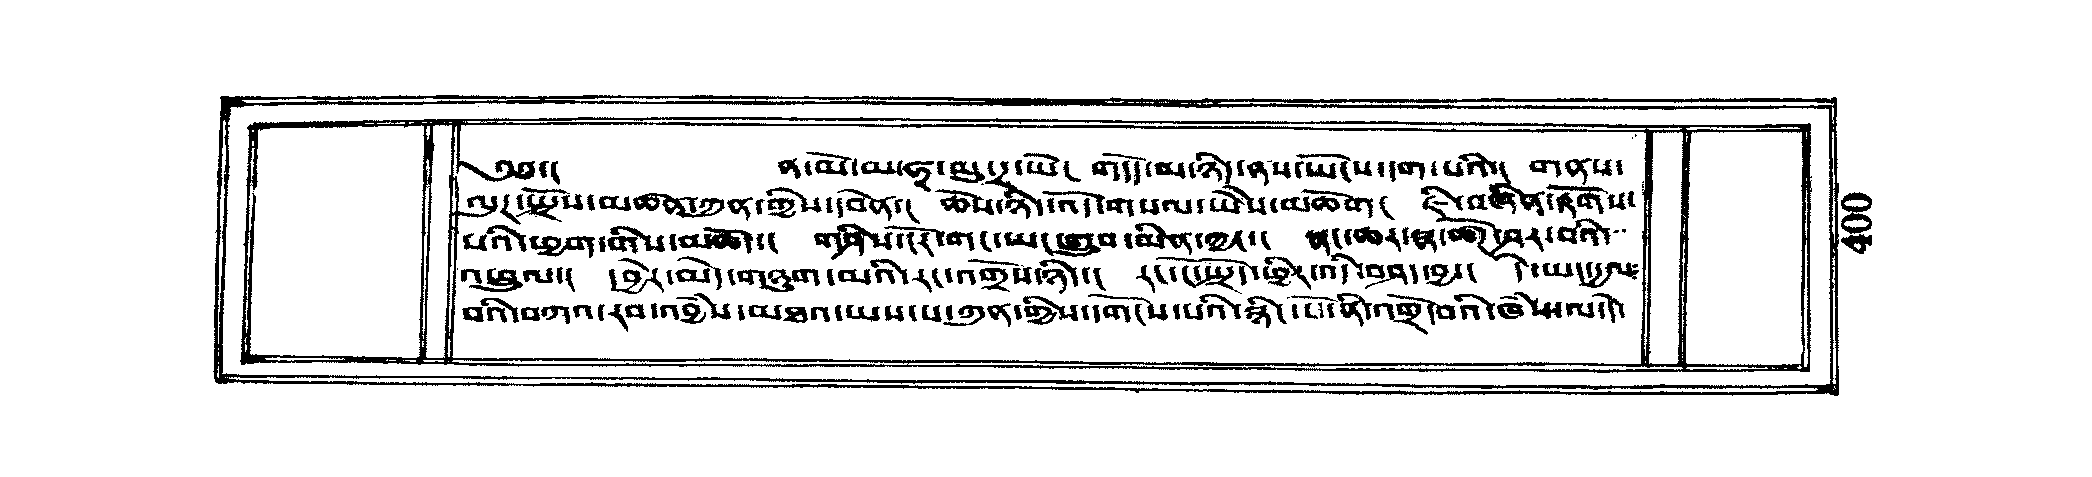ན་མོ་མ་ཧཱ་མུ་དྲ་ཡེ། གདོད་མ་ཉིད་ནས་ཡོངས་དག་པའི། །གནས་
ལུགས་སྤྲོས་མཚན་ཀུན་གྱིས་དབེན། །ཆོས་ཉིད་འོད་གསལ་ཡེ་ཤེས་མཆོག །ཇི་བཞིན་རྟོགས་
པའི་ཕྱག་གིས་མཆོད། །གཤིས་ངོར་གང་ཡང་གྲུབ་མིན་ཀྱང་། །སྣང་ཆར་སྣ་ཚོགས་ཤར་བའི་
འཕྲུལ། །དབྱེར་མེད་གཉུག་མའི་རང་འགྲོས་ཉིད། །རང་ངོ་སྤྲོད་ཕྱིར་འདིར་བཤད་བྱ། དེ་ཡང་རྒྱལ་
བའི་བཀའ་རབ་འབྱམས་མཐའ་ཡས་པ་ཀུན་གྱིས་དགོངས་པའི་སྙིང་པོ་ནི་འགྲོ་བའི་ཁམས་ལ་དེ་